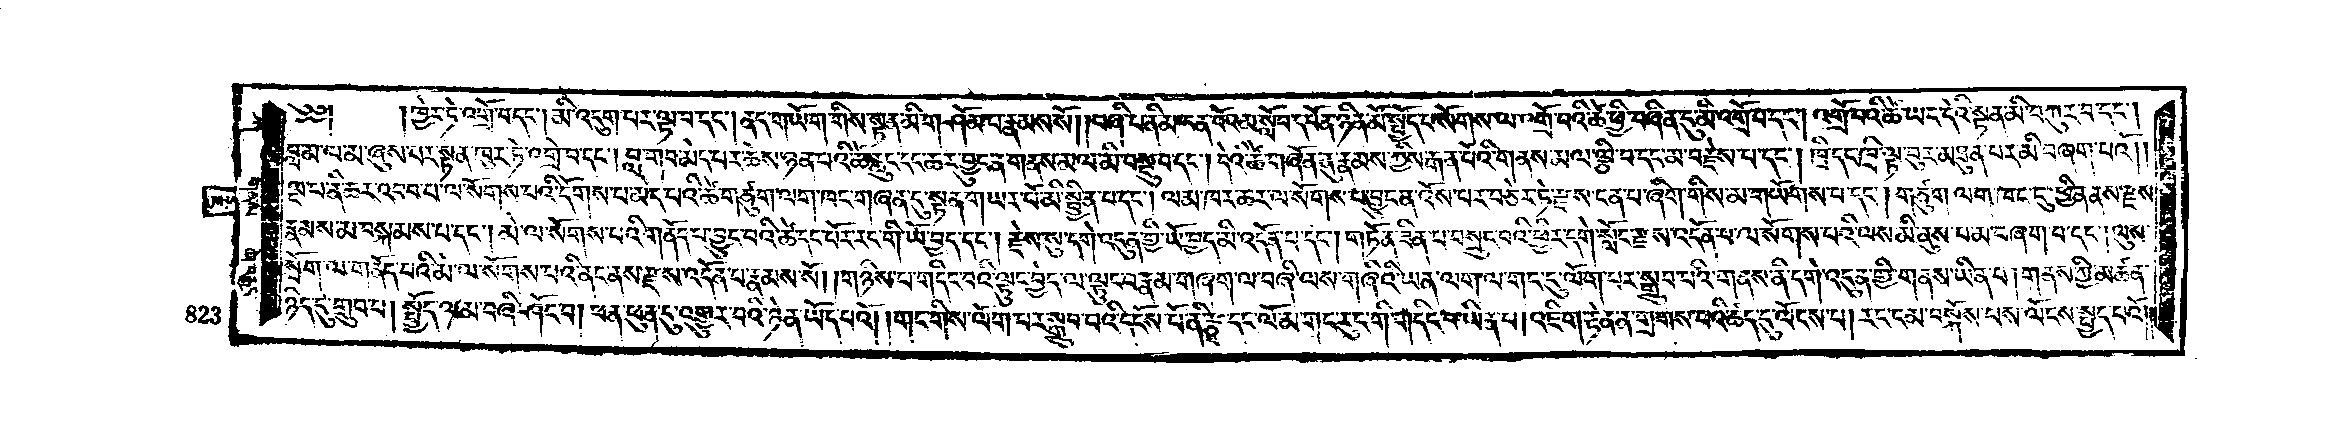༄༅། །ཁྱེར་ཏེ་འགྲོ་བ་དང་། མི་འདུག་པར་ལྟ་བ་དང་། ནད་གཡོག་གིས་སྟན་མི་གཤོམ་པ་རྣམས་སོ། །བཞི་པ་ནི་མ་ངན་པོའམ་སློབ་དཔོན་ཉིན་མོ་སྤྱོད་པ་སོགས་ལ་འགྲོ་བའི་ཚེ་ཕྱི་བཞིན་དུ་མི་འགྲོ་བ་དང་། འགྲོ་བའི་ཚེ་ཡང་དེའི་སྟན་མི་བཀུར་བ་དང་།
བླ་མ་ལ་མ་ཞུས་པར་སྟན་ཁུར་ཏེ་འགྲེ་བ་དང་། བླ་གབ་མེད་པར་ཆེས་ཉན་པའི་ཚེ་རླུང་དང་ཆར་བྱུང་ན་གནས་མལ་མི་བསྡུ་བ་དང་། དེའི་ཚེ་གཞོན་ནུ་རྣམས་ཀྱིས་རྒན་པོའི་གནས་མལ་ལྕི་བ་དང་མ་བརྗེས་པ་དང་། ཁྲི་དང་ཁྲི་ལྟ་བུར་མཐུན་པར་མི་བཞག་པའོ། །
ལྔ་པ་ནི་ཆར་འབབ་པ་ལ་སོགས་པའི་དོགས་པ་མེད་པའི་ཚེ་གཙུག་ལག་ཁང་གཞན་དུ་སྟན་གཡར་པོ་མི་སྦྱིན་པ་དང་། ལམ་ཁར་ཆར་ལ་སོགས་པ་བྱུང་ན་འོས་པར་བཅེར་ཏེ་རྫས་ངན་པ་ཞིག་གིས་མ་གཡོགས་པ་དང་། གཙུག་ལག་ཁང་དུ་ཕྱིན་ནས་རྫས་
རྣམས་མ་བསྐམས་པ་དང་། མེ་ལ་སོགས་པའི་གནོད་པ་བྱུང་བའི་ཚེ་དང་པོར་རང་གི་ཡོ་བྱད་དང་། རྗེས་སུ་དགེ་འདུན་གྱི་ཡོ་བྱད་མི་འདོན་པ་དང་། གཏོན་ཟིན་པ་བསྲུང་བའི་ཕྱིར་དགེ་སློང་རྫས་འདོན་པ་ལ་སོགས་པའི་ལས་མི་ནུས་པ་མ་བཞག་པ་དང་། ལུས་
སྲོག་ལ་གནོད་པའི་མེ་ལ་སོགས་པའི་ནང་ནས་རྫས་འདོན་པ་རྣམས་སོ། །གཉིས་པ་གདིང་བའི་ལྟུང་བྱེད་ལ་ལྟུང་བ་རྣམ་གཞག་ལ་བཞི་ལས་གཞིའི་ཡན་ལག་ལ་གང་དུ་ལོག་པར་སྒྲུབ་པའི་གནས་ནི་དགེ་འདུན་གྱི་གནས་ཡིན་པ། གནས་ཀྱི་མཚན་
ཉིད་དུ་གྲུབ་པ། སྤྱོད་ཉམ་བཞི་ཤོང་བ། ཕན་ཕུན་དུ་འགྱུར་བའི་ཉེན་ཡོད་པའོ། །གང་གིས་ལོག་པར་སྒྲུབ་པའི་དངོས་པོ་ནི་རྩྭ་དང་ལོ་མ་གང་རུང་གི་གདིང་བ་ཡིན་པ། འཇིག་རྟེན་ན་གྲགས་པའི་ཚད་དུ་ལོངས་པ། རང་ངམ་བསྐོས་པས་ལོངས་སྤྱད་པའོ།།